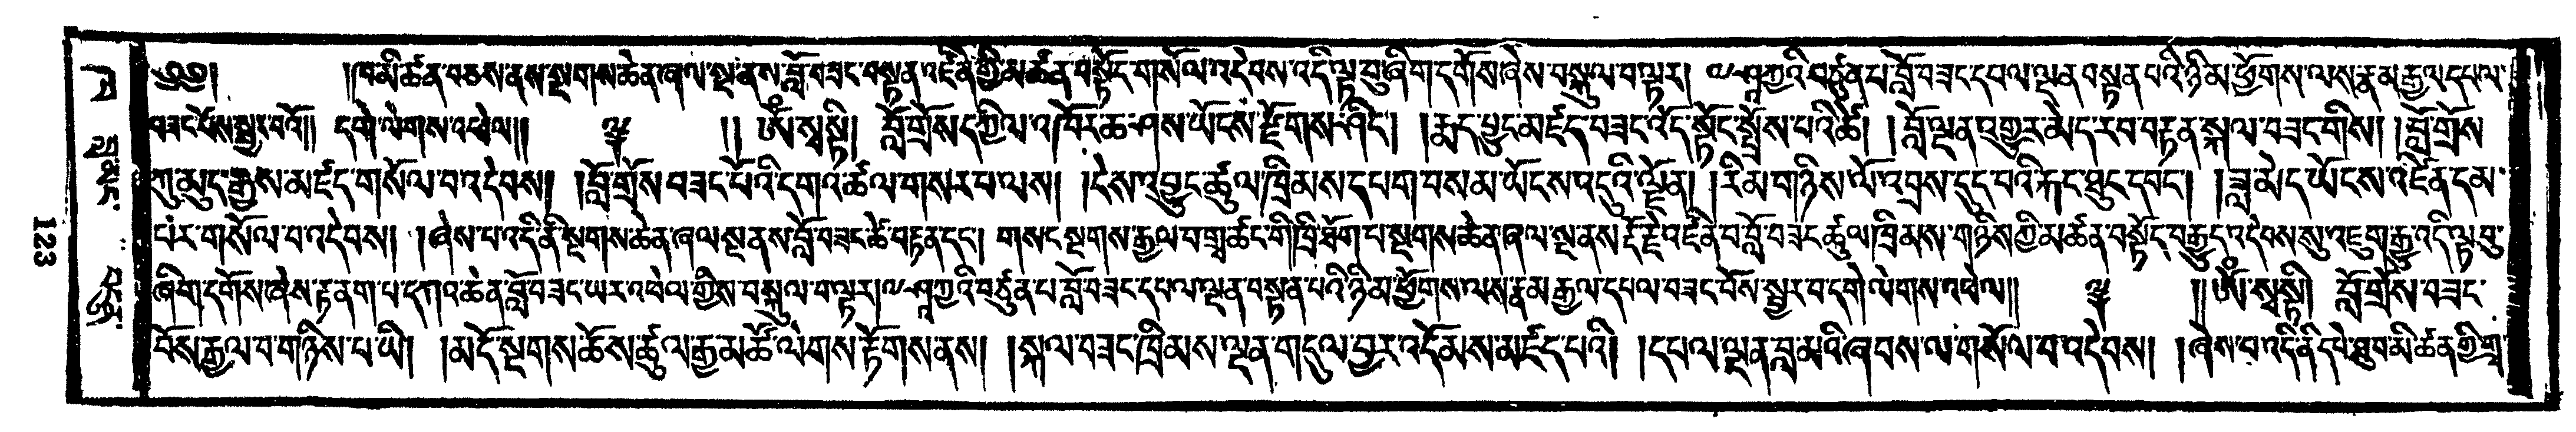༄༅། །ཁ་མི་ཚན་བཅས་ནས་སྔགས་ཆེན་ཞལ་སྔ་ནས་བློ་བཟང་བསྟན་འཛིན་གྱི་མཚན་བསྟོང་གསོལ་འདེབས་འདི་ལྟ་བུ་ཞིག་དགོས་ཞེས་བསྐུལ་བ་ལྟར། ༧་ཤཱཀྱའི་བཙུན་པ་བློ་བཟང་དཔལ་ལྡན་བསྟན་པའི་ཉི་མ་ཕྱོགས་ལས་རྣམ་རྒྱལ་དཔལ་
བཟང་པོས་སྦྱར་བའོ།། དགེ་ལེགས་འཕེལ།། ༈ །།ཨོཾ་སྭསྟི། བློ་གྲོས་དཀྱིལ་འཁོར་ཆ་ཤས་ཡོངས་རྫོགས་ཤིང་། །རྨད་བྱུང་མཛད་བཟང་འོད་སྟོང་སྤྲོས་པའི་ཚེ། །བློ་ལྡན་འགྱུར་མེད་རབ་བརྟན་སྐལ་བཟང་གིས། །བློ་གྲོས་
ཀུ་མུད་རྒྱས་མཛད་གསོལ་བ་འདེབས། །བློ་གྲོས་བཟང་པོའི་དགའ་ཚལ་གསར་པ་ལས། །ངེས་འབྱུང་ཚུལ་ཁྲིམས་དཔག་བསམ་ཡོངས་འདུའི་ལྗོན། །རིམ་གཉིས་ལོ་འབྲས་དུད་བའི་རྐང་ཐུང་དབང་། །ཟླ་མེད་ཡོངས་འཛིན་དམ་
པར་གསོལ་བ་འདེབས། །ཞེས་པ་འདི་ནི་སྔགས་ཆེན་ཞལ་སྔ་ནས་བློ་བཟང་ཚེ་བརྟན་དང་། གསང་སྔགས་རྒྱལ་བ་གྲྭ་ཚང་གི་ཁྲི་ཐོག་པ་སྔགས་ཆེན་ཞལ་སྔ་ནས་རྡོ་རྗེ་འཛིན་པ་བློ་བཟང་ཚུལ་ཁྲིམས་གཉིས་ཀྱི་མཚན་བསྟོད་བརྒྱུད་འདེབས་སུ་འཇུག་རྒྱུ་འདི་ལྟ་བུ་
ཞིག་དགོས་ཞེས་རྟ་ནག་པ་དཀའ་ཆེན་བློ་བཟང་ཡར་འཕེལ་གྱིས་བསྐུལ་བ་ལྟར། ༧་ཤཱཀྱའི་བཙུན་པ་བློ་བཟང་དཔལ་ལྡན་བསྟན་པའི་ཉི་མ་ཕྱོགས་ལས་རྣམ་རྒྱལ་དཔལ་བཟང་པོས་སྦྱར་བ་དགེ་ལེགས་འཕེལ།། ༈ །།ཨོཾ་སྭསྟི། བློ་གྲོས་བཟང་
བོས་རྒྱལ་བ་གཉིས་པ་ཡི། །མདོ་སྔགས་ཆོས་ཚུལ་རྒྱ་མཚོ་ལེགས་རྟོགས་ནས། །སྐལ་བཟང་ཁྲིམས་ལྡན་གདུལ་བྱར་འདོམས་མཛད་པའི། །དཔལ་ལྡན་བླ་མའི་ཞབས་ལ་གསོལ་བ་འདེབས། །ཞེས་པ་འདི་ནི་དཔེ་ཐུབ་མི་ཚན་གྱི་གྲྭ་